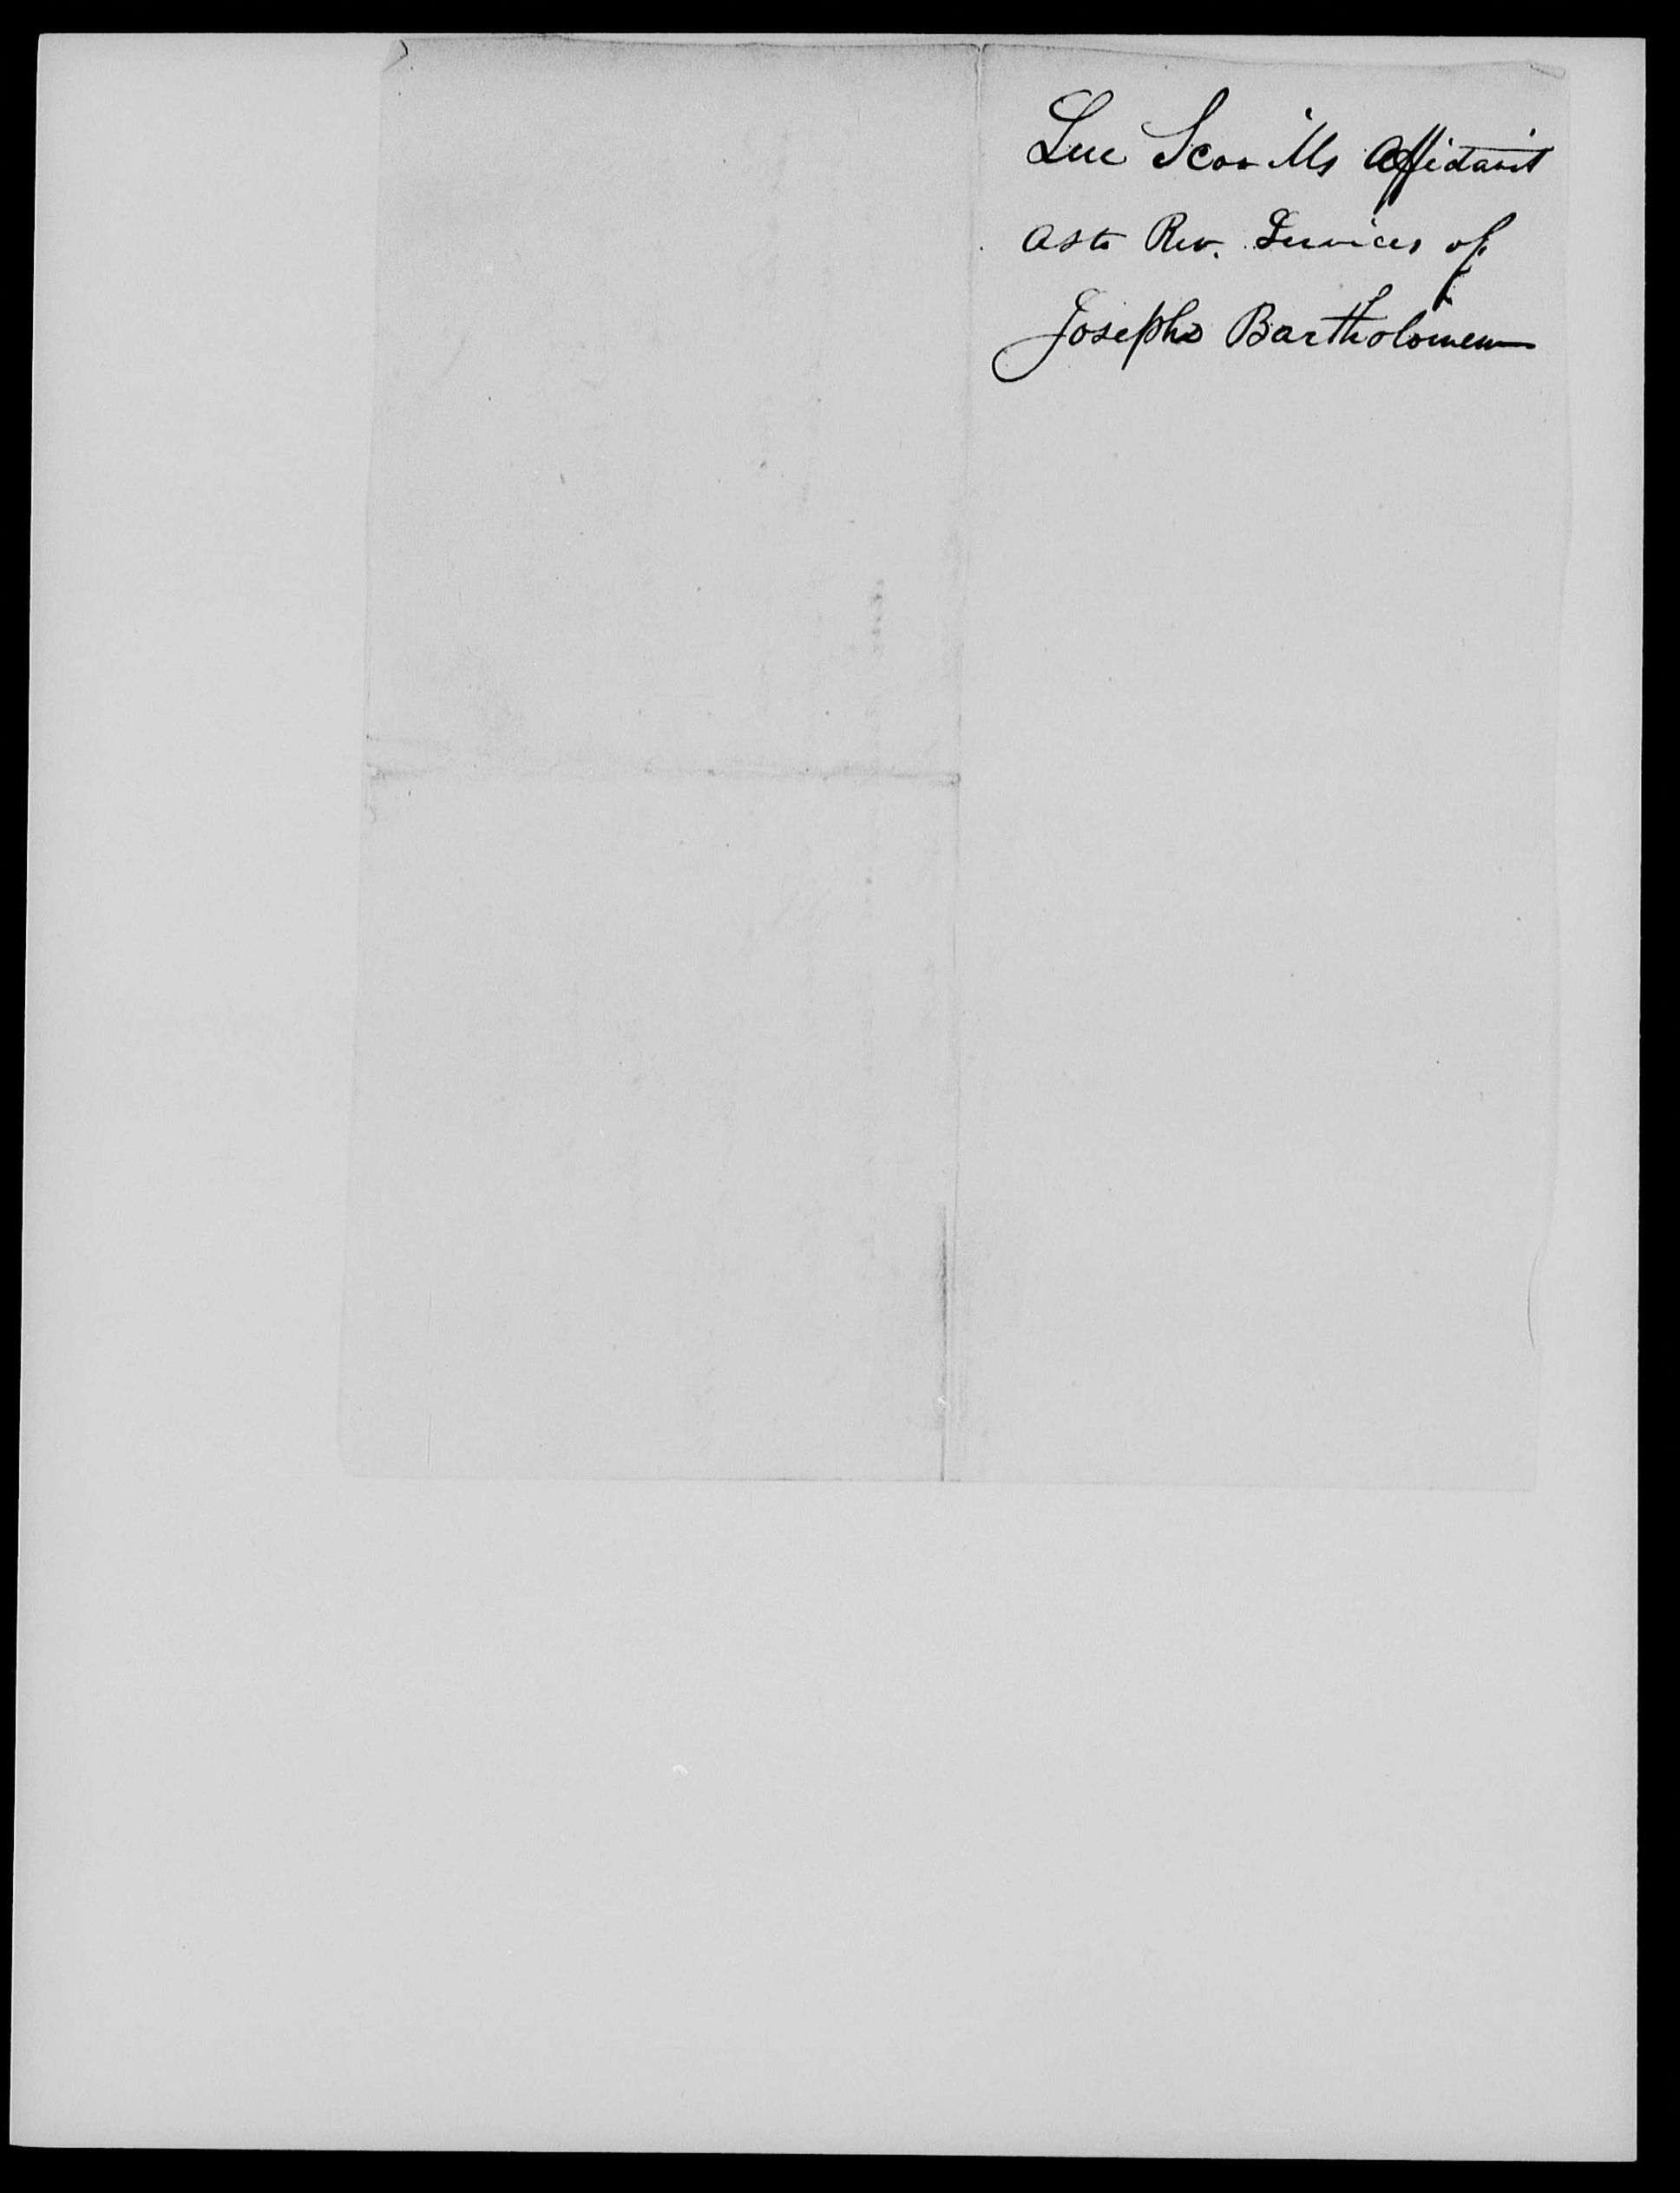Luc Scovills affidavit
as to Rev. Services of 
Joseph Bartholomew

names: Joseph Bartholomew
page: 25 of 76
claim: widow's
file: W. 9345, Joseph Bartholomew, Conn.